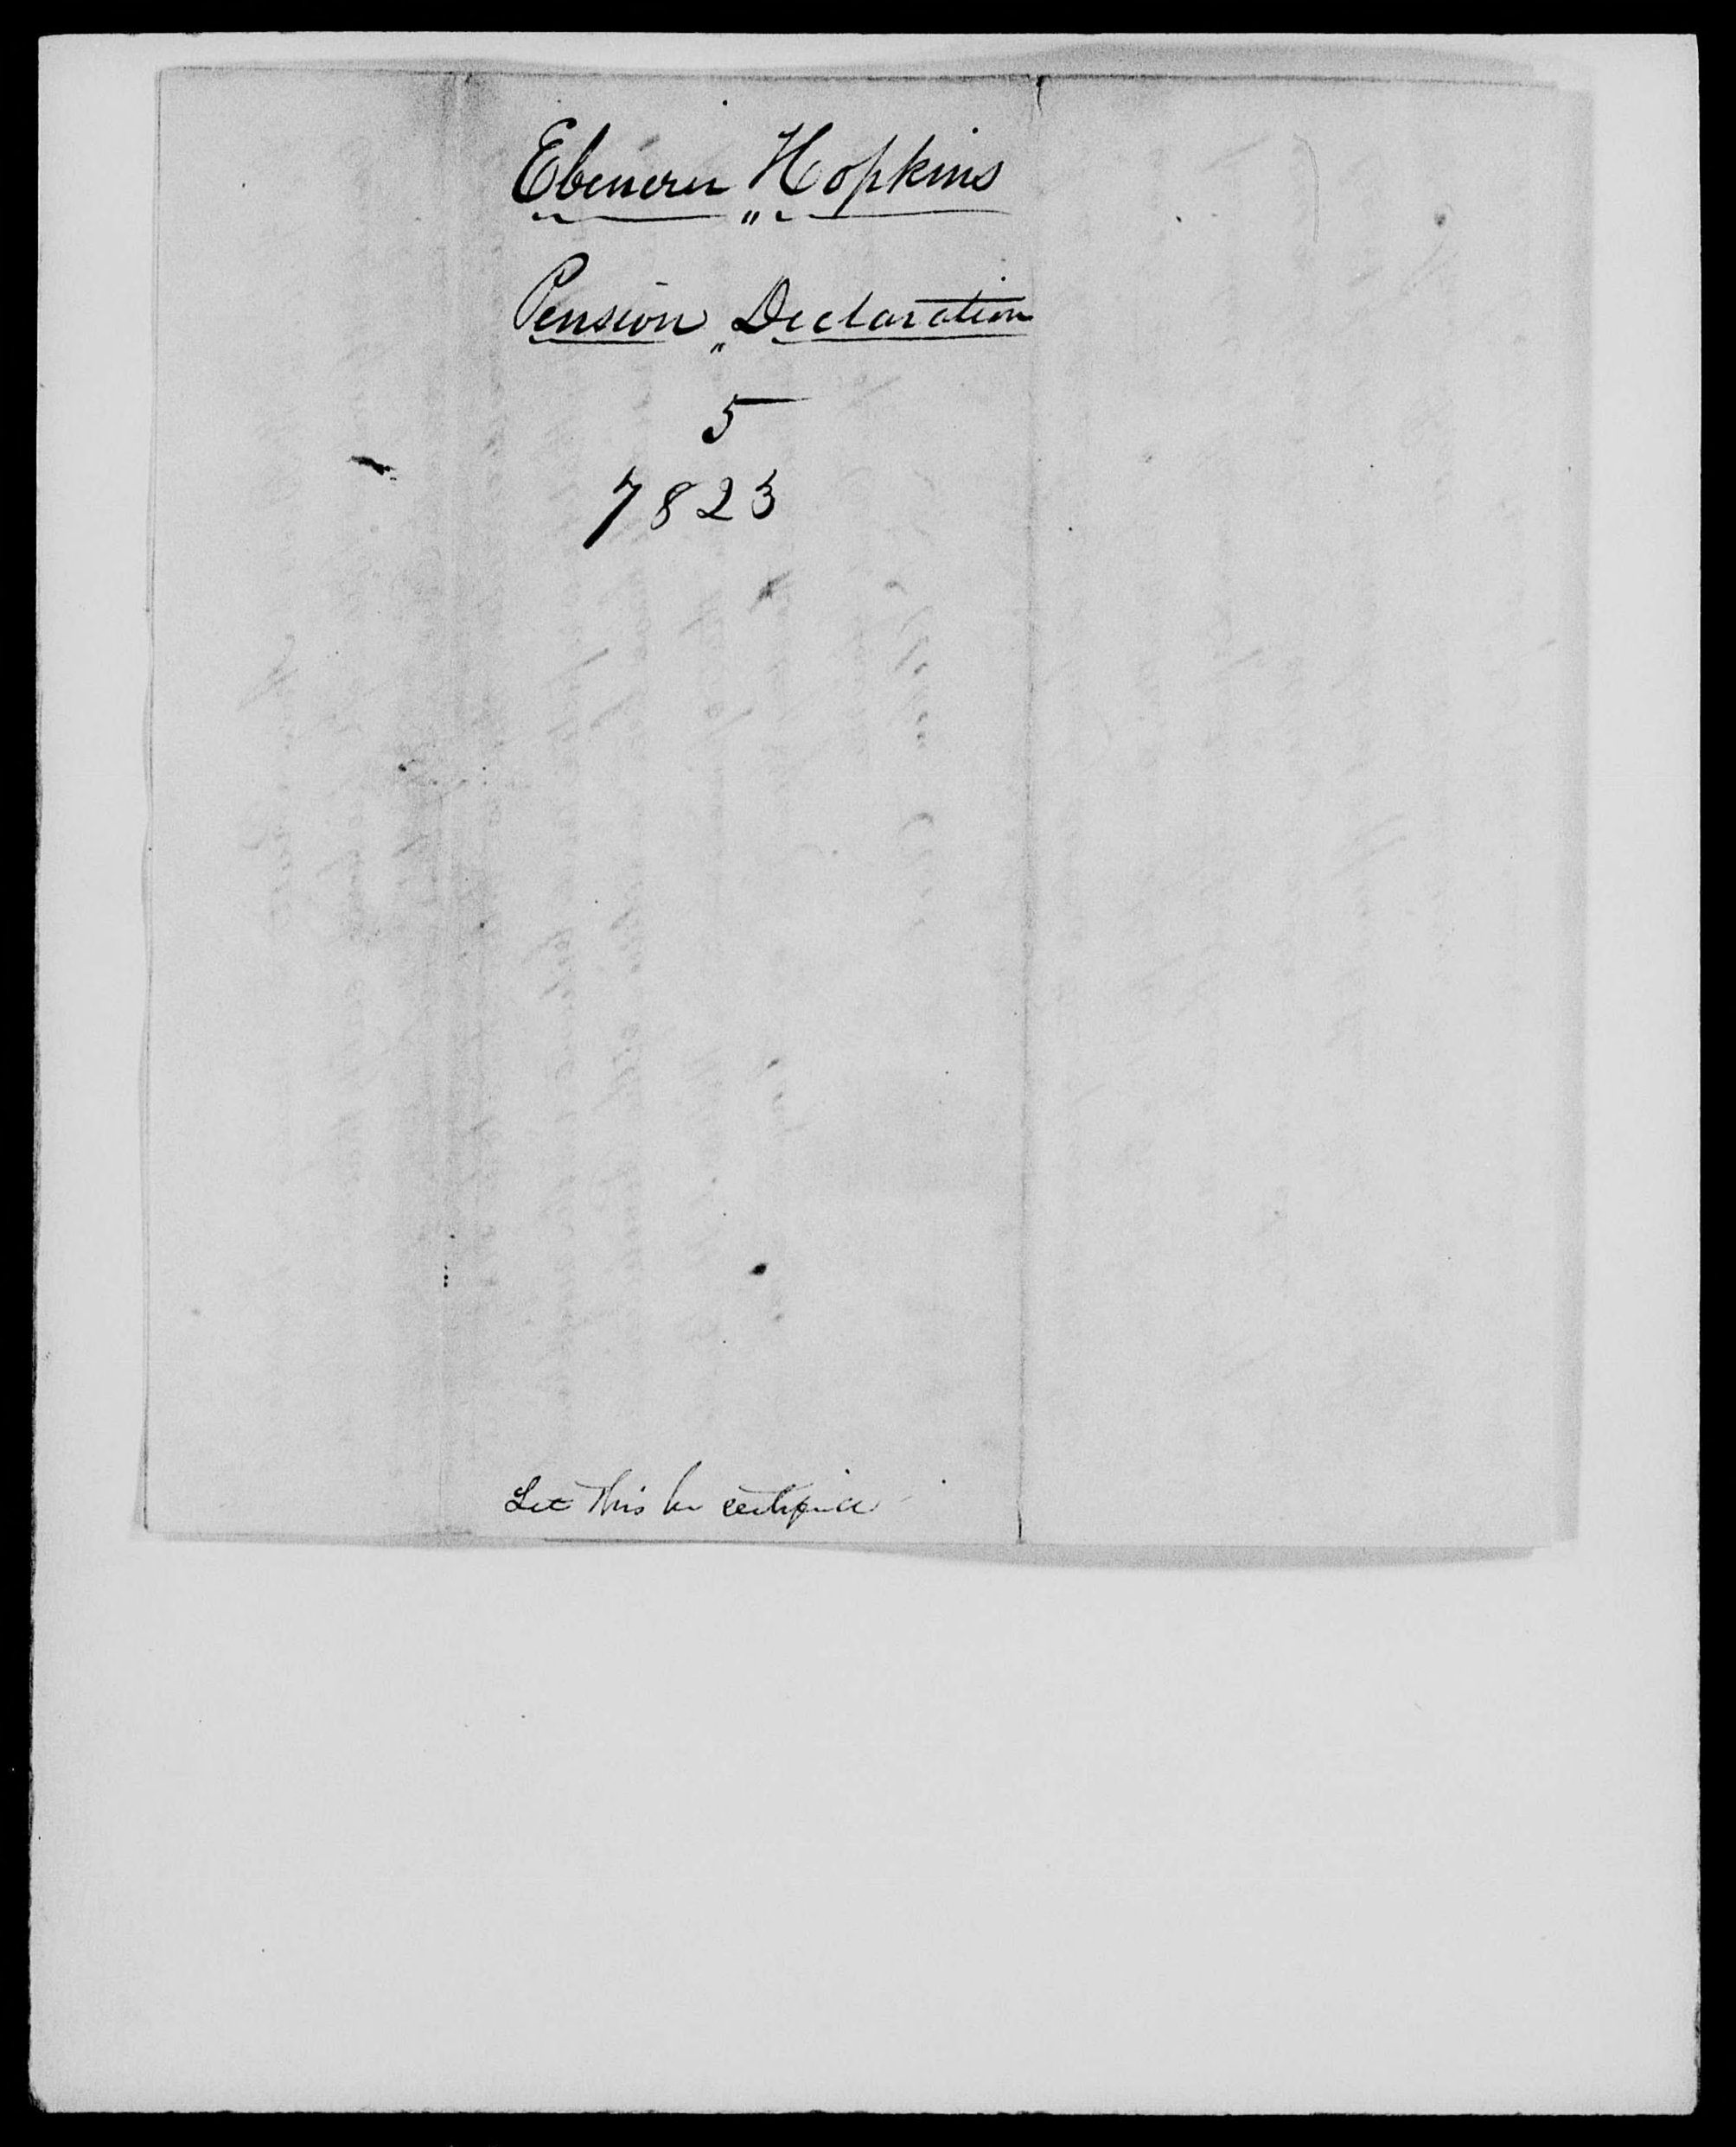Ebenezer Hopkins
Pension Declaration
5
7823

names: Ebenezer Hopkins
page: 66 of 144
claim: rejected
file: R. 5208, Dennis Hopkins, N.C.